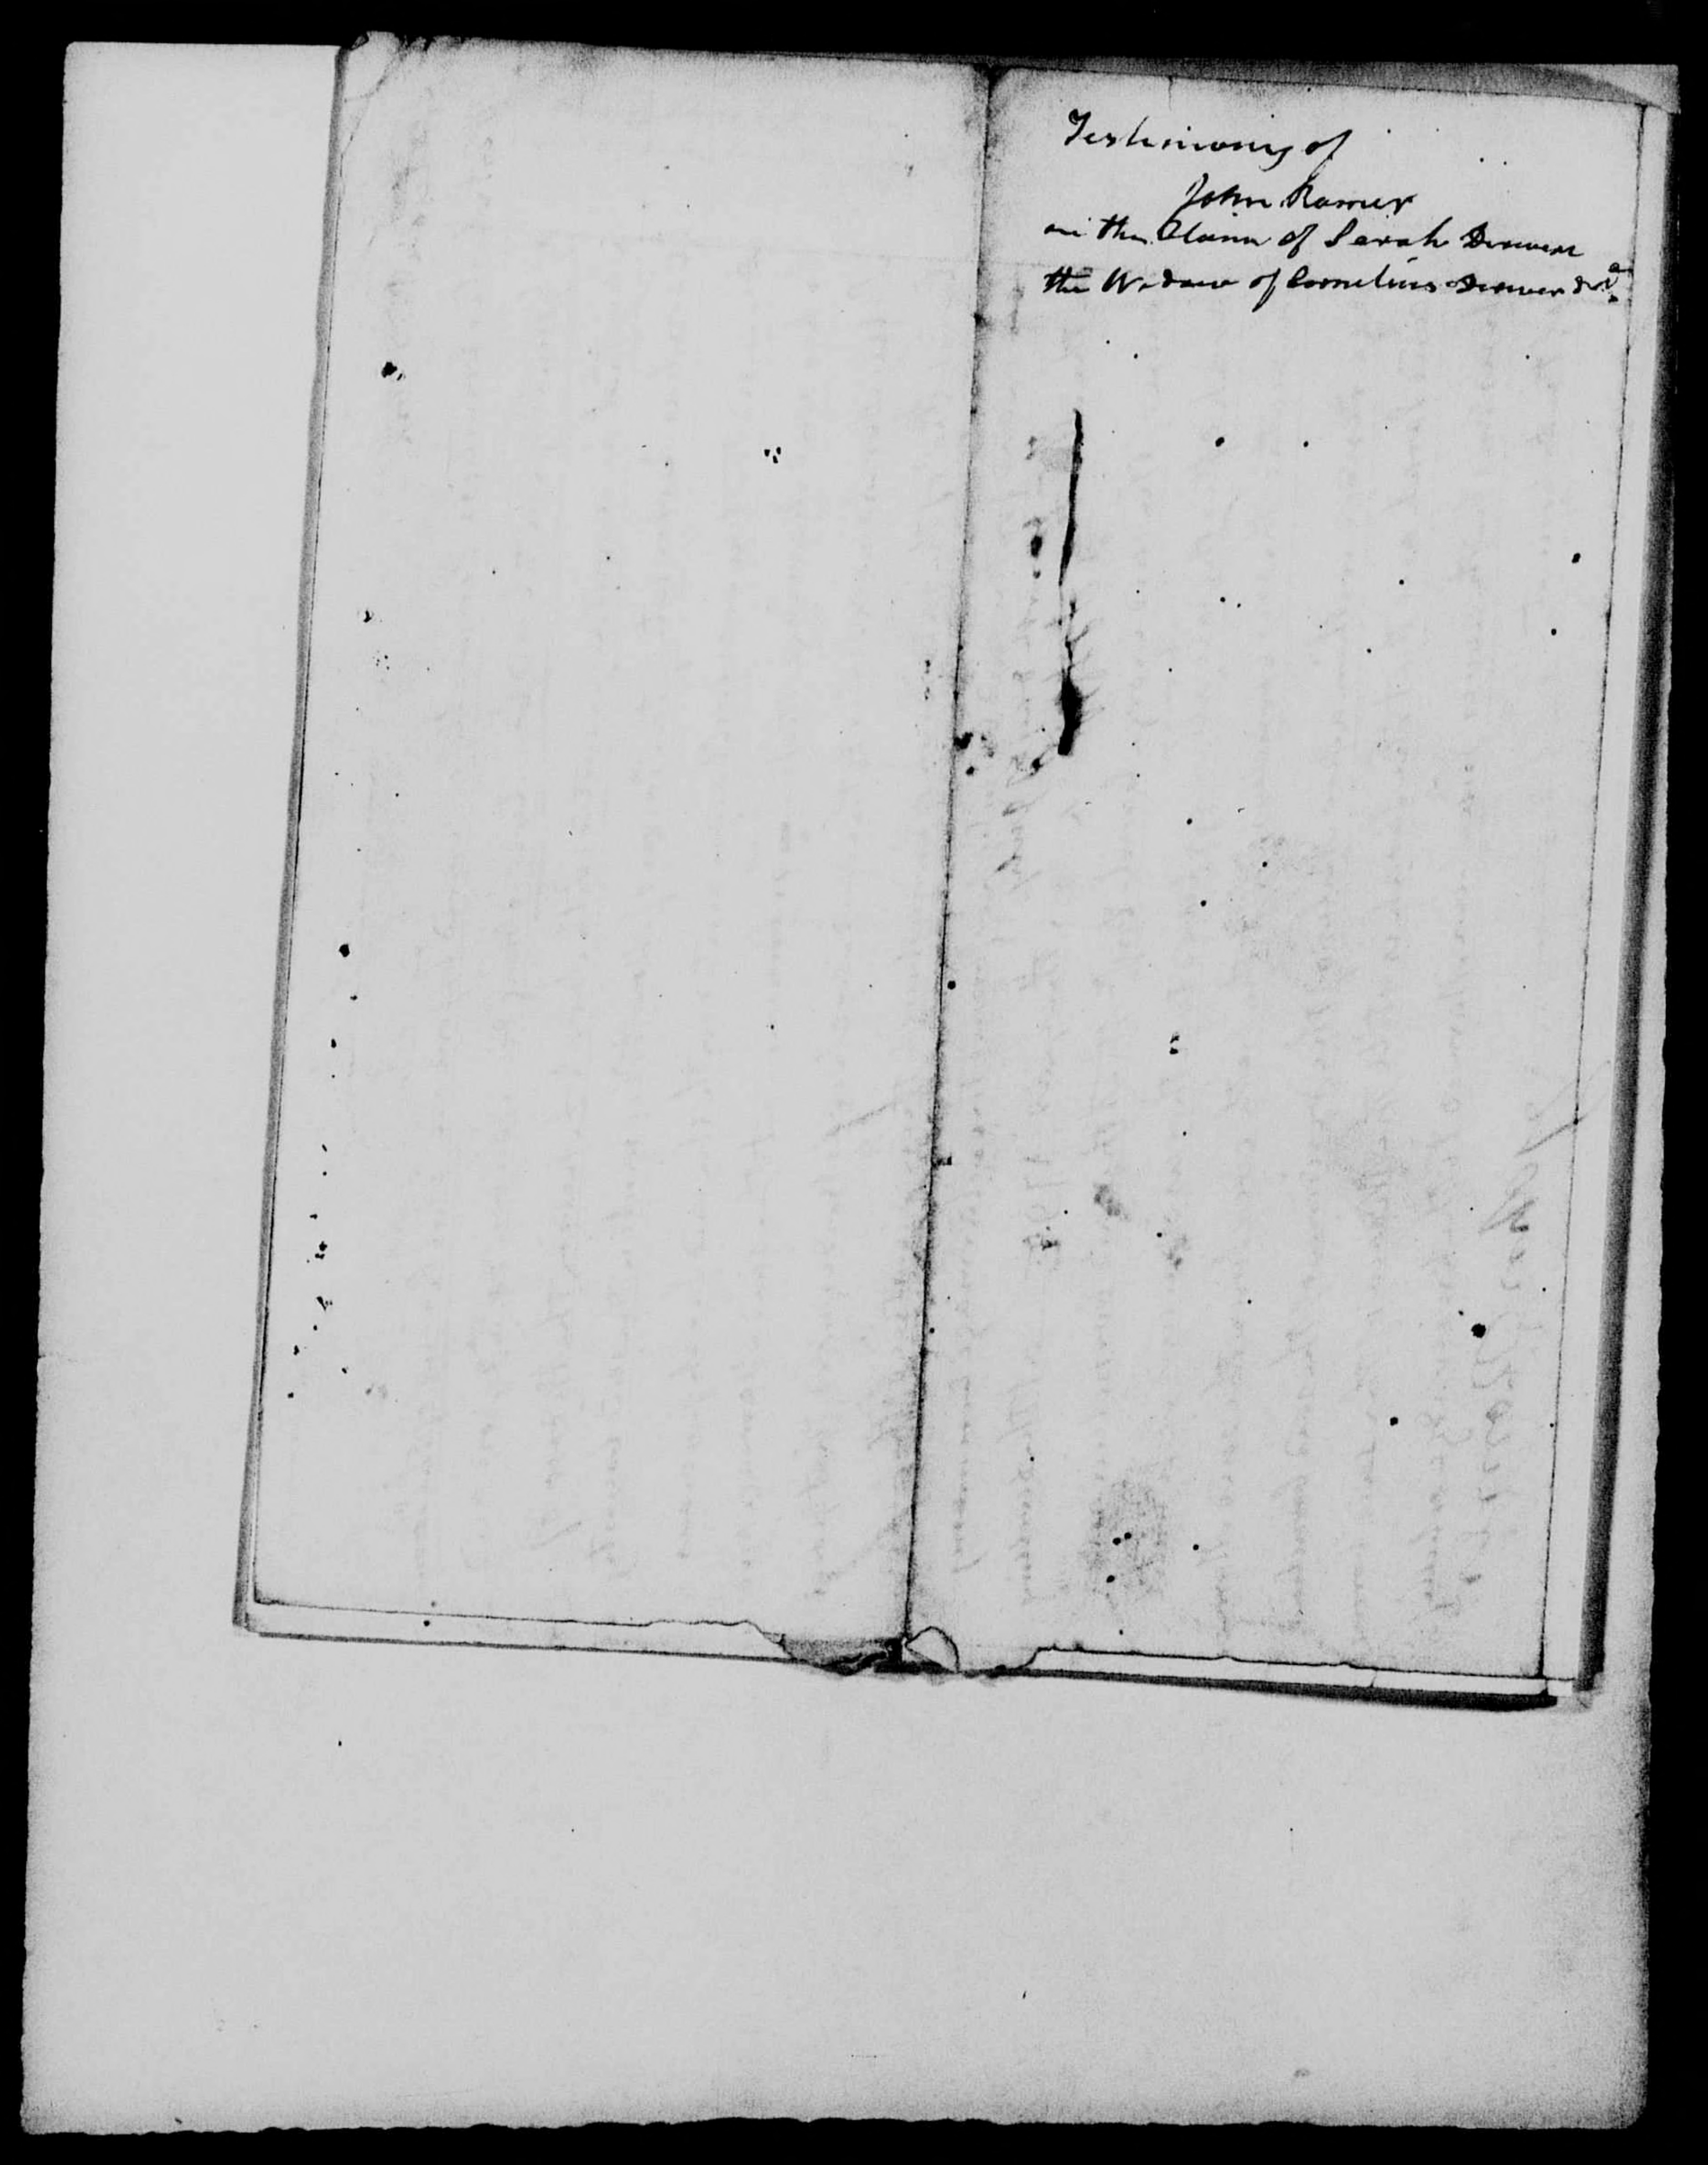Testimony of John Romer in the claim of Sarah Derevere the widow of Cornelius Derevere dec.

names: Sarah Derevere, Cornelius Derevere, John Romer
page: 15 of 40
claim: widow's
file: W. 24057, Cornelius De Revere, New York